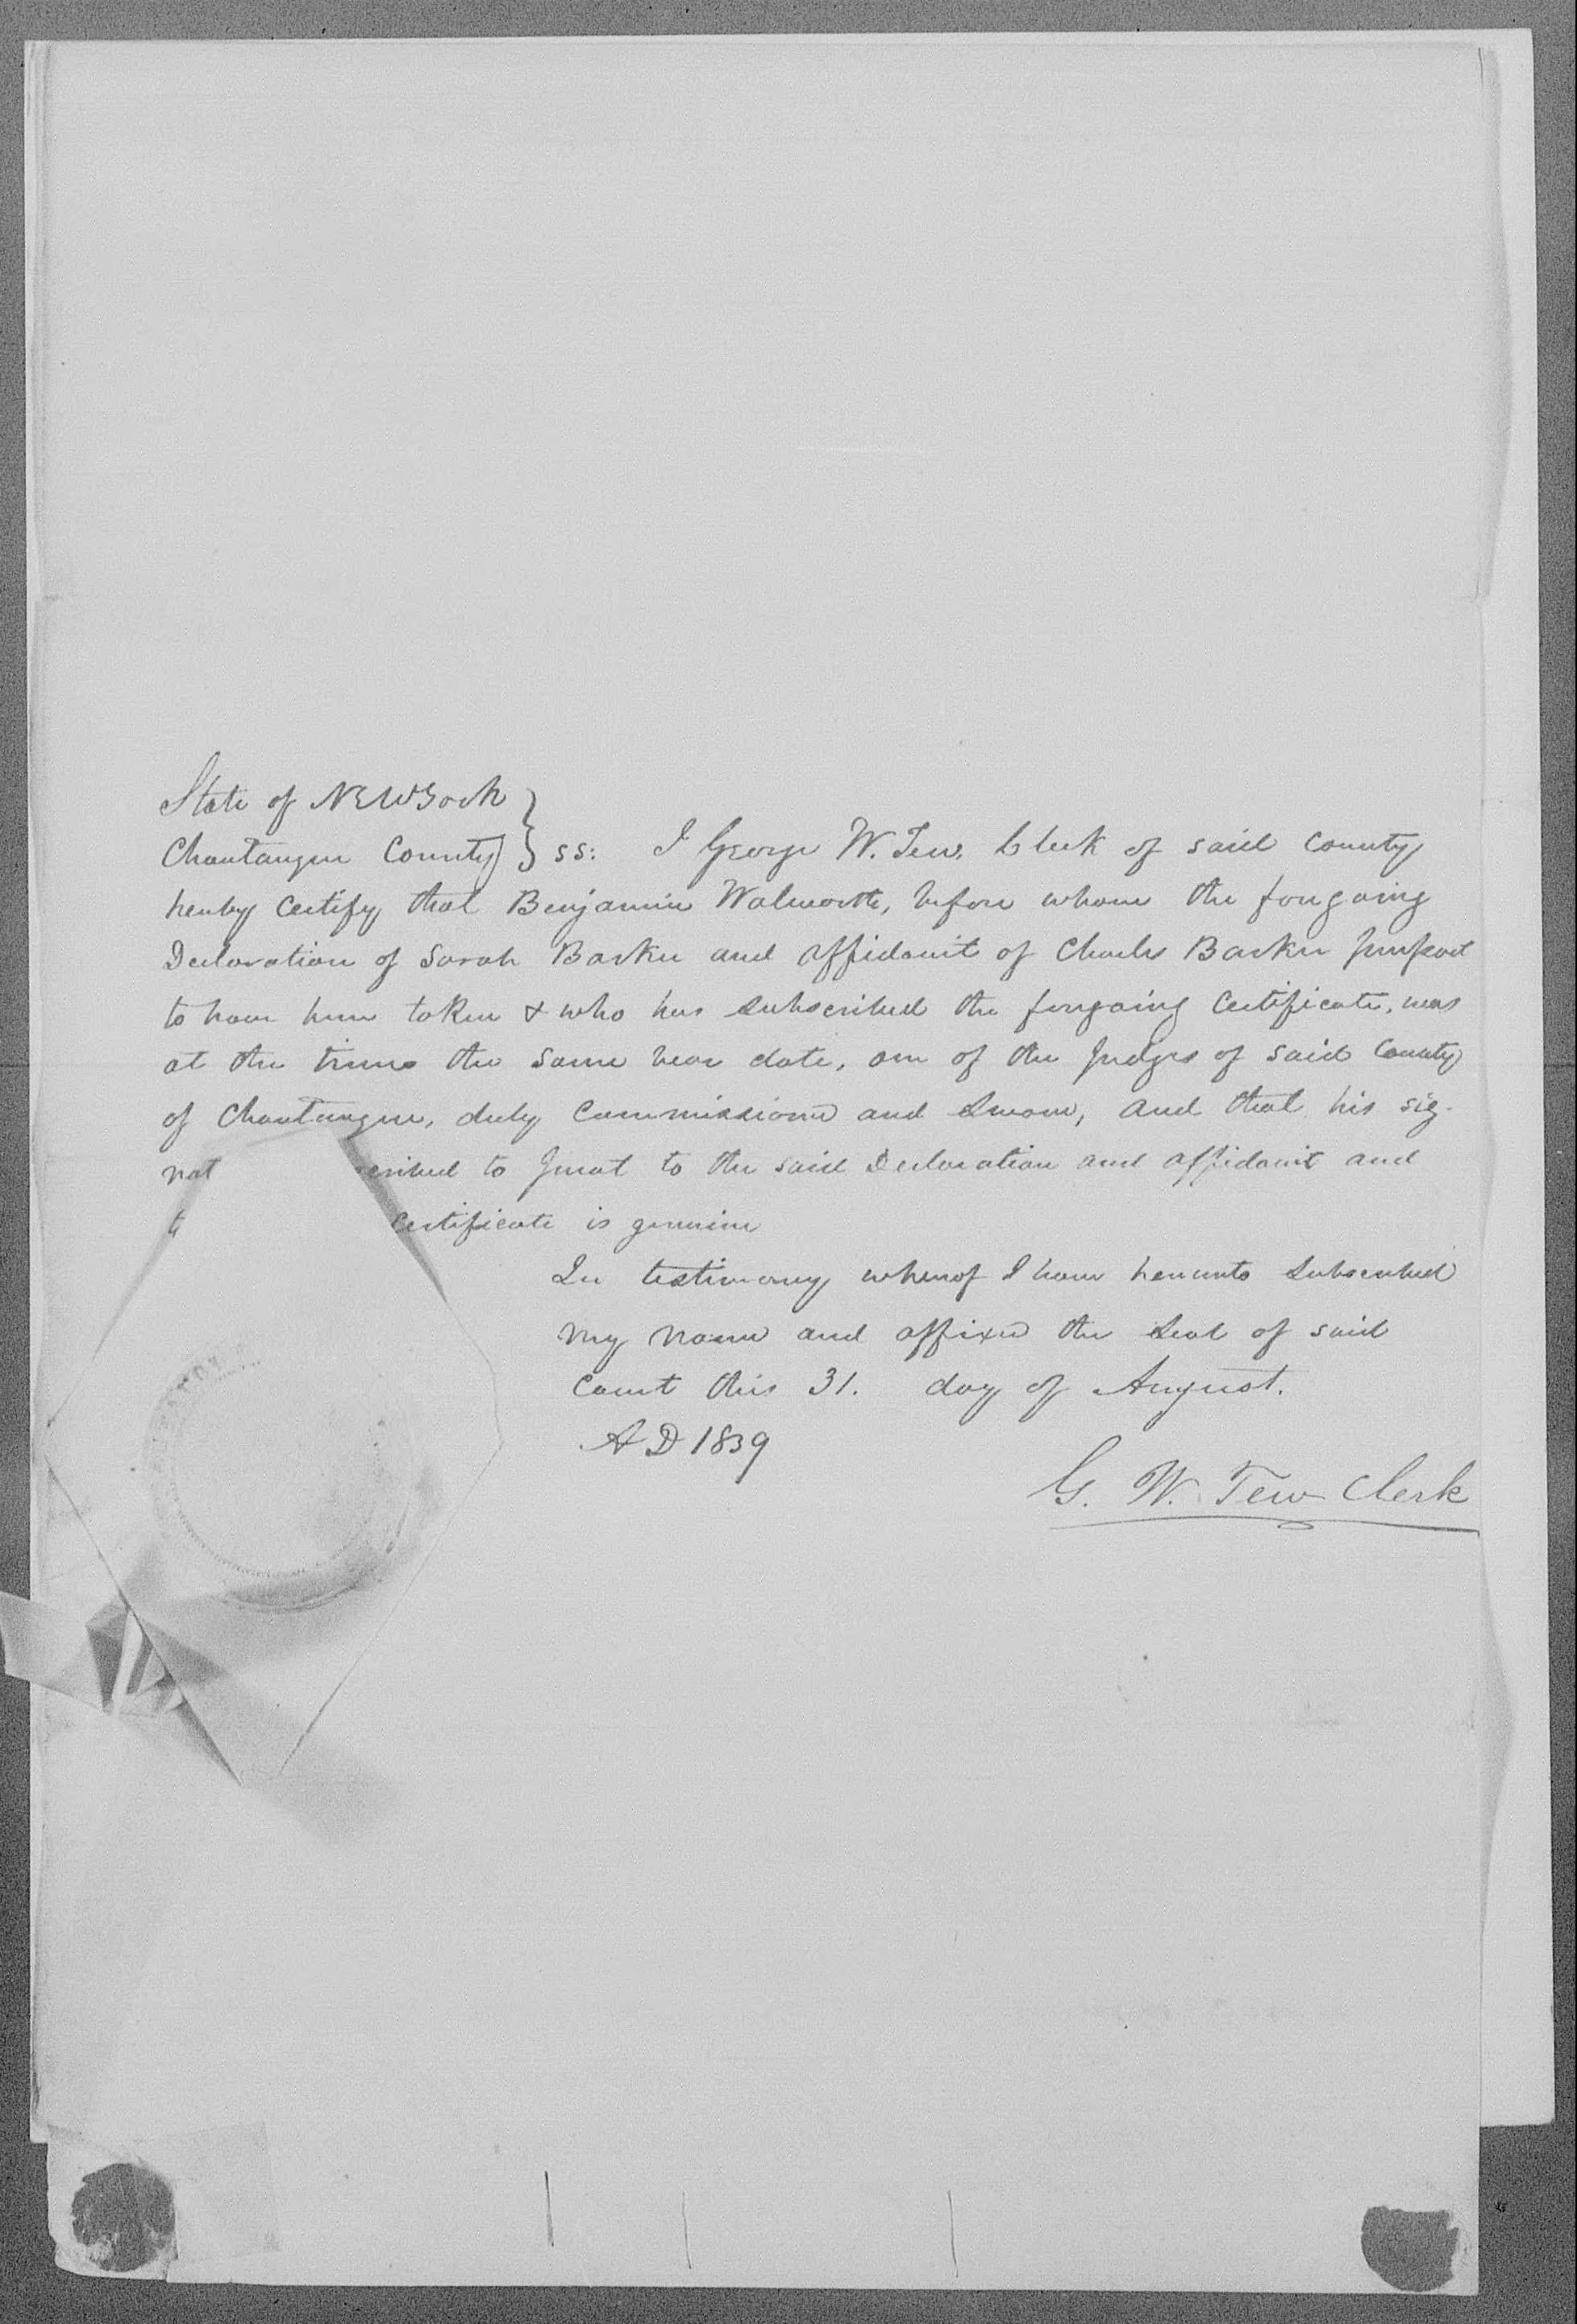State of New York
Chautauqua County} Ss:
I George W. Tew, Clerk of said county hereby certify that Benjamin Walworth, before whom the foregoing Declaration of Sarah Barker and affidavit of Charles Barker purport to have here taken & who has subscribed the foregoing certificate, was at the time the same [illegible] date, one of the judges of said county of Chautauqua, duly commissioned and sworn, and that his signature subscribed to [illegible] to the said Declaration and affidavit and [obscured] certificate is genuine. 
[seal] In testimony whereof I have hereunto subscribed my name and affixed the seal of said court this 31 day of August AD 1839.
G. W. Tew Clerk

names: Benjamin Walworth, Sarah Barker, George W Tew, G W Tew, Charles Barker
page: 11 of 52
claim: widow's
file: W. 18,565, Hezekiah Barker, Continental R.I.